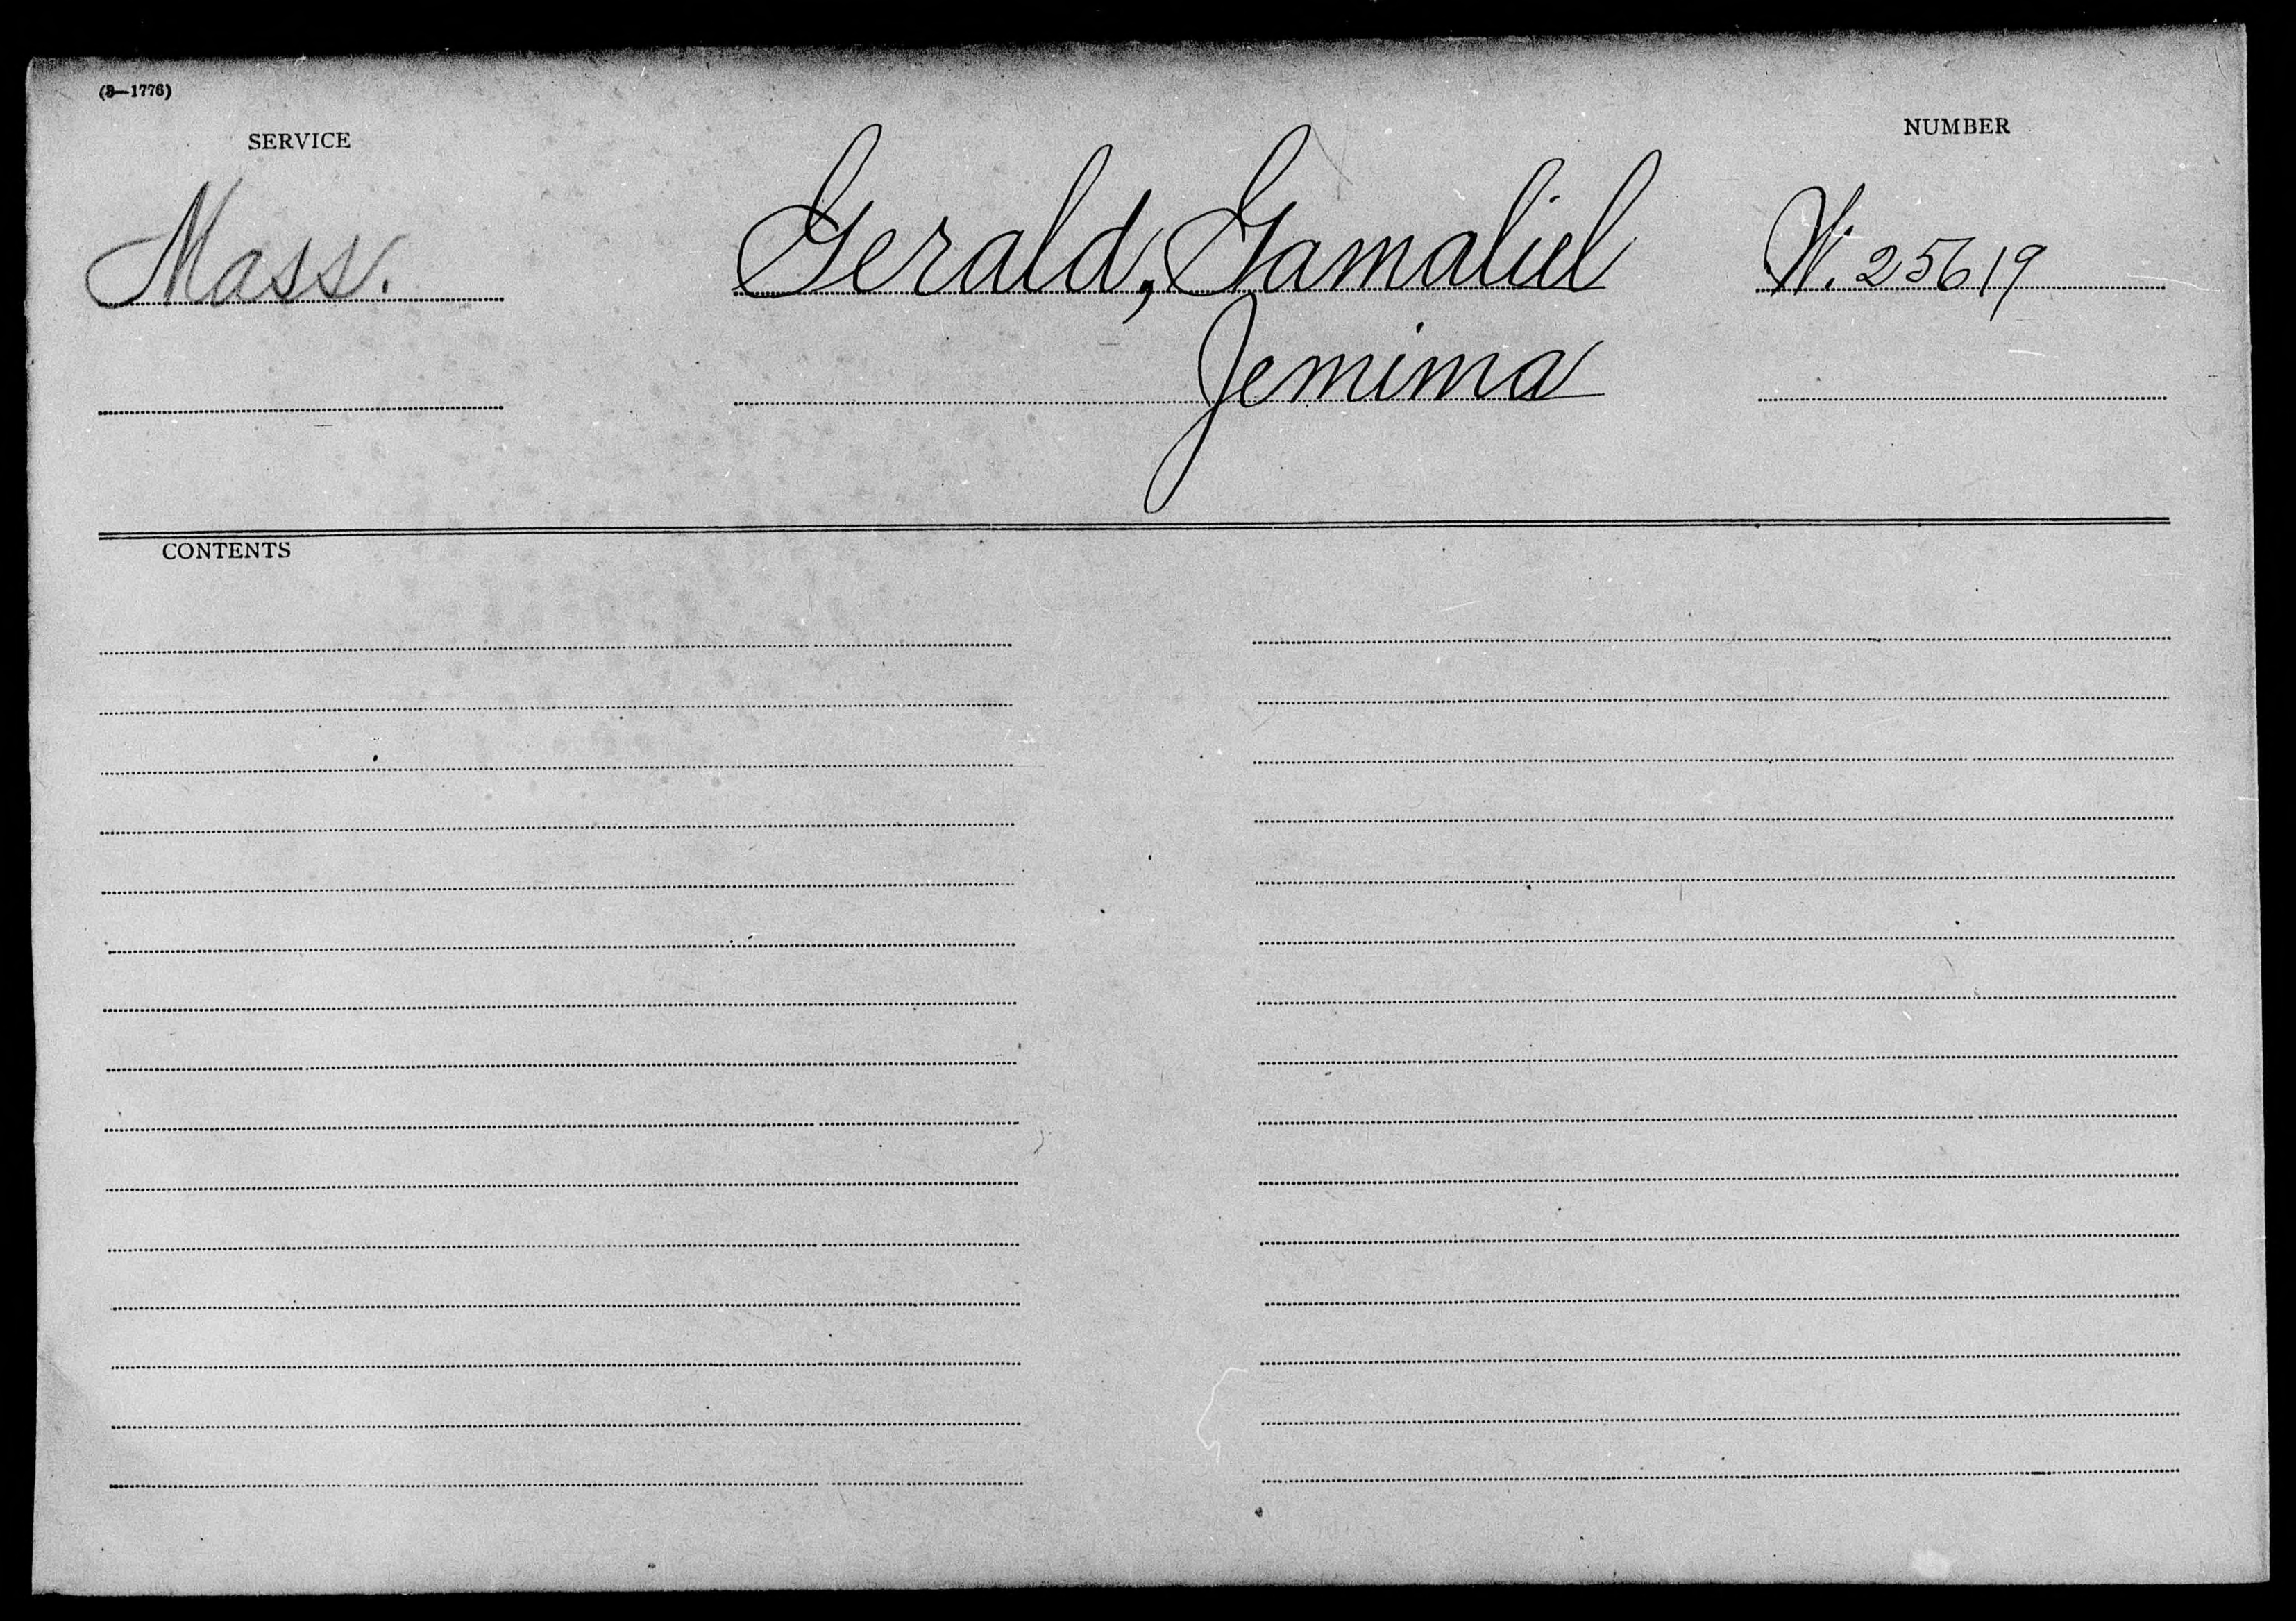(8-1776)
SERVICE 
Mass.  
Gerald, Gamaliel
Jemima
NUMBER
W. 25619
CONTENTS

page: 1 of 26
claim: widow's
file: W. 25619, Gamaliel Gerald, Mass.